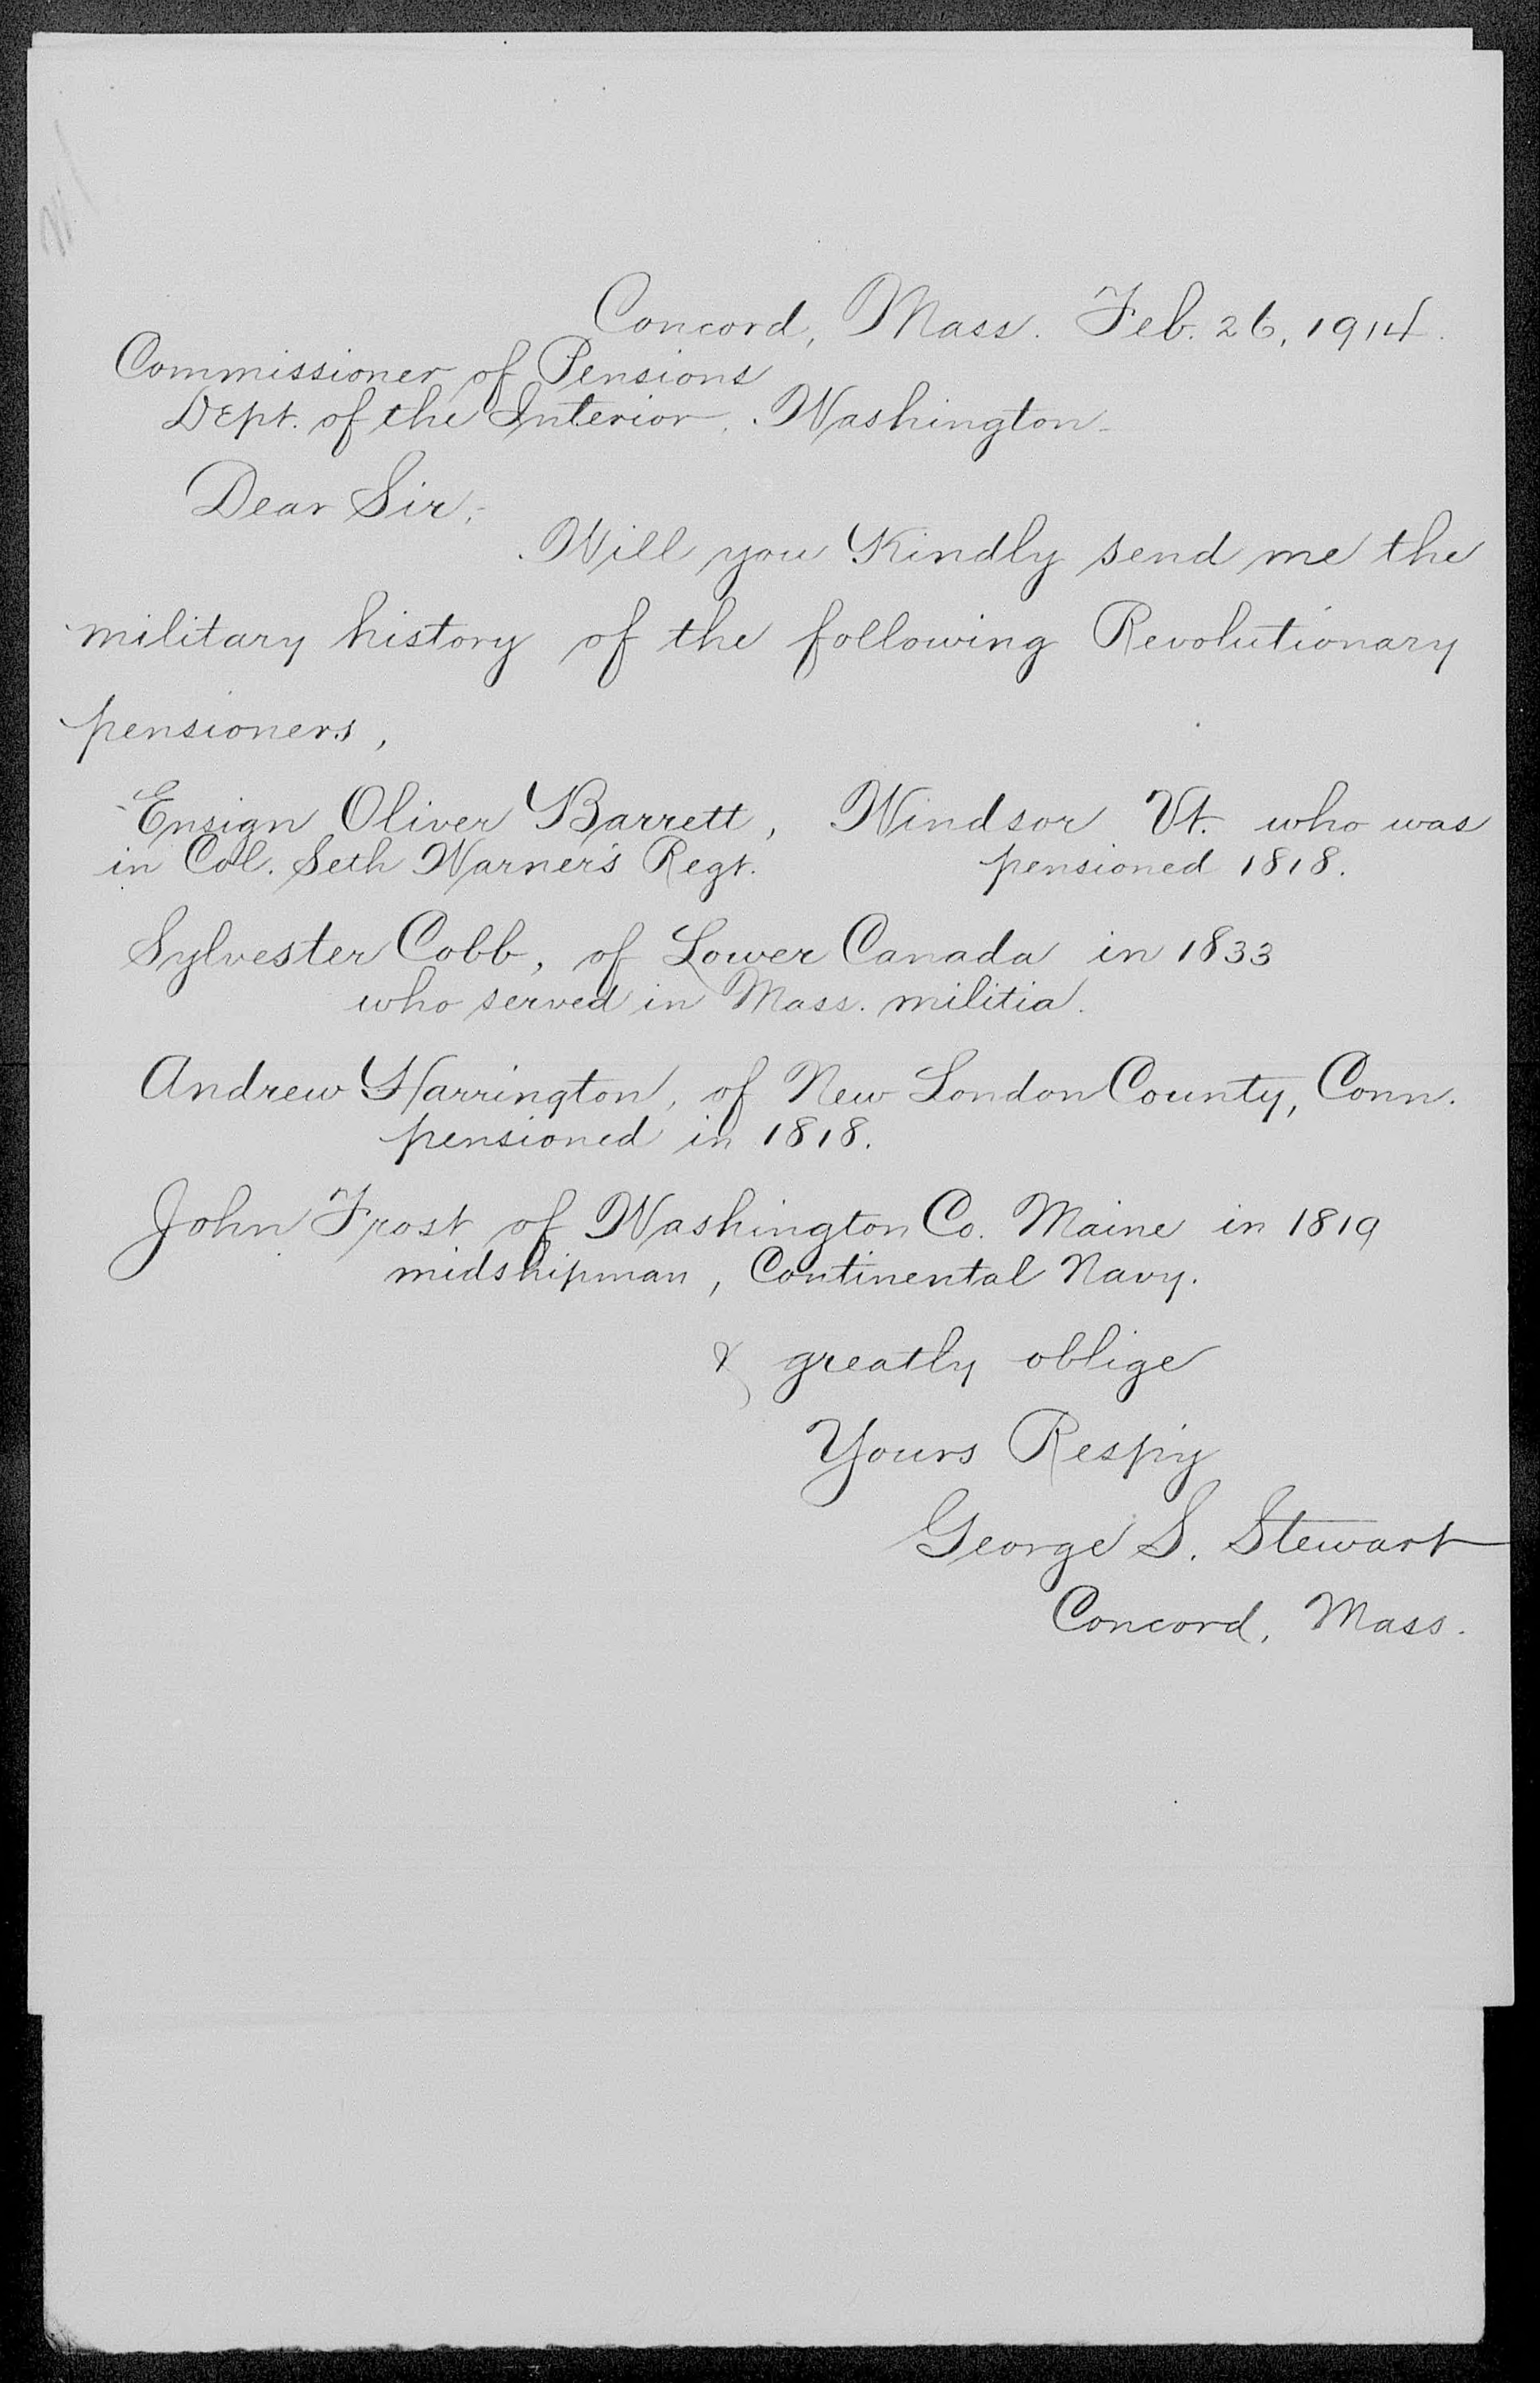Concord, Mass Feb 26 1914

Commissioner of Pensions
Dept. of the Interior, Washington

Dear Sir, 
Will you kindly send me the military history of the following Revolutionary pensioners,
Ensign Oliver Barrett Windsor Vt. who was in Col. Seth Warner's Regt. pensioned 1818
Sylvester Cobb, of Lower Canada in 1833 who served in Mass. militia
Andrew Harrington of New London County, Conn.
pensioned in 1818. 
John Frost of Washington Co. Maine in 1819 
midshipman, Continental Navy
& greatly oblige
Yours Respy, 
George S. Stewart 
Concord, Mass.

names: Sylvester Cobb, Andrew Harrington, George S Stewart, John Frost, Oliver Barrett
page: 79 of 83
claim: widow's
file: W. 10,384, Oliver Barrett, Continental (Vt.) N.Y.